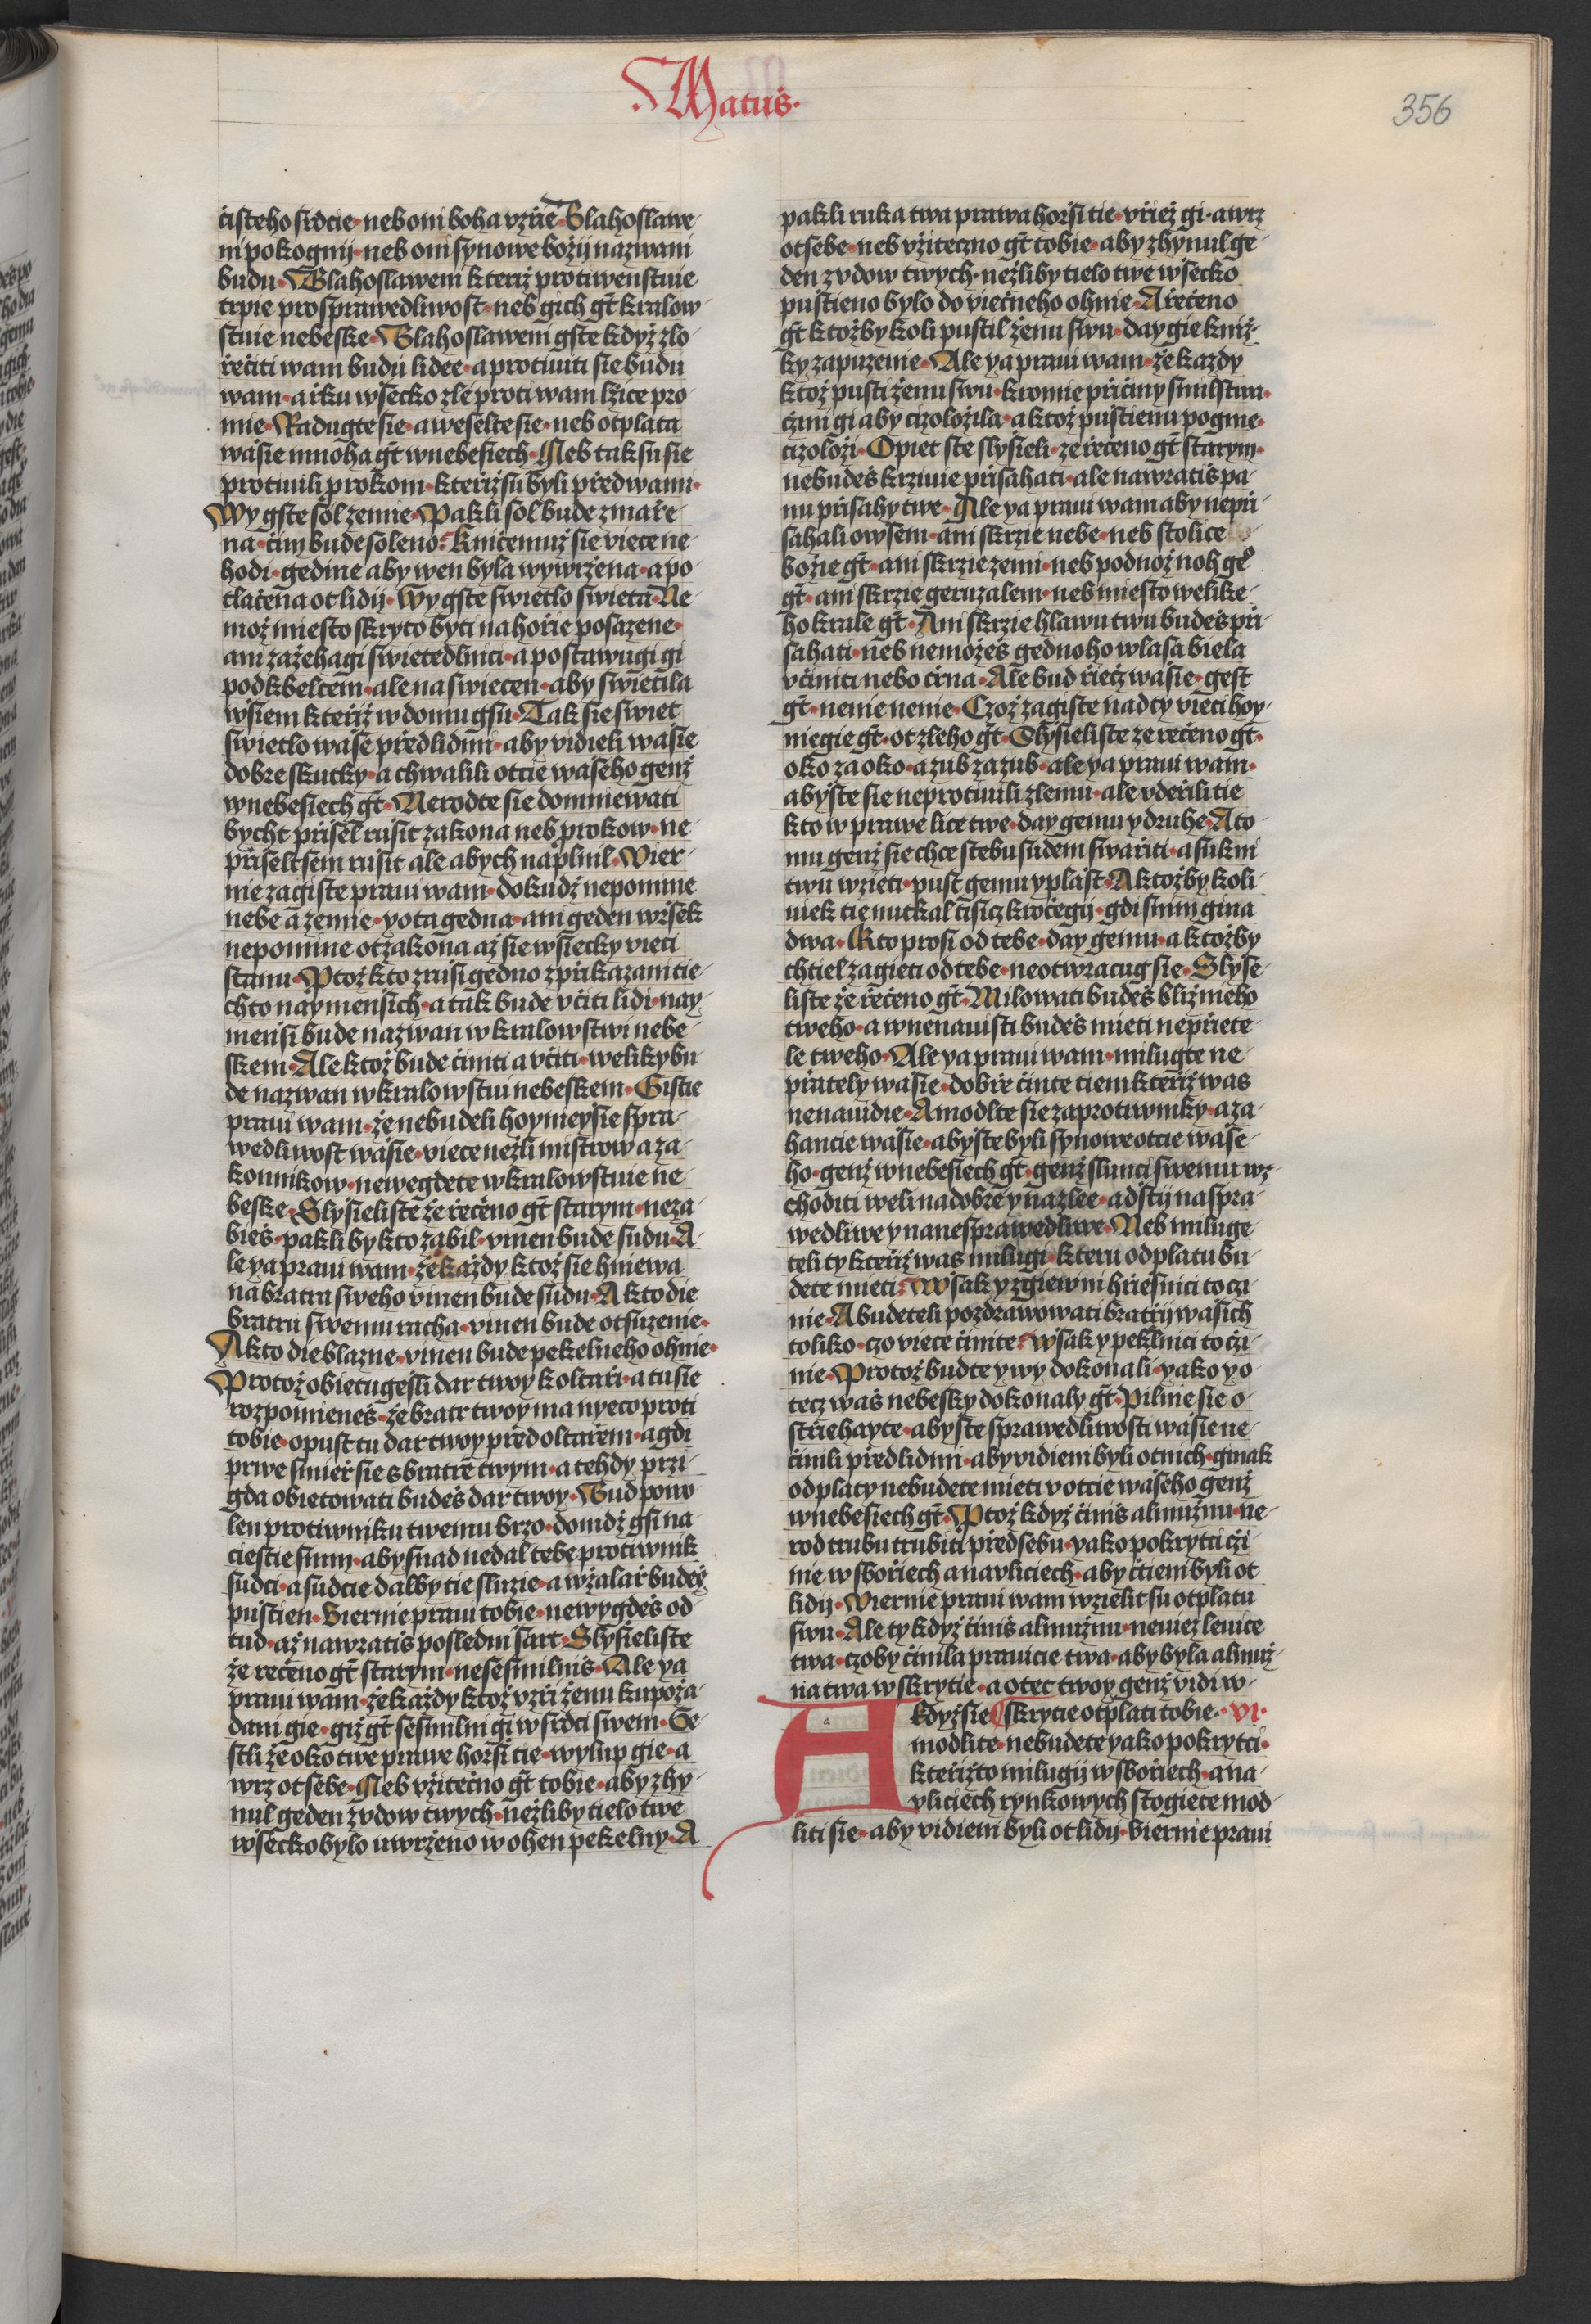.Matuṡ.
ċiſteho ſrdcie.neb oni boha vzṙíe.Blahoſlawe¬
ni pokognij.neb oni ſynowe bożij nazwaní
budu.Blahoſlawení kteriż protiwenſtuíe
trpie proſprawedliwoſt.neb gich ḡt kralow¬
ſtuíe nebeſke.Blahoſlawení gſte kdyż zlo¬
ṙeċiti wam budú lidee.a protiuiti ſie budu
wam.a ṙku wẛecko zlé proti wám lżíce pro¬
mie.Radugte ſie.aweſelte ſie.neb otplata
waẛte mnoha ḡt wnebeſiech.Neb takſu ſie
protiuili prokom.kteṙiż ſu byli před wami.
Wy gſte ſól zemie.Pakli ſol bude zmaṙe¬
na.ċim bude ſoleno?Kniċemuż ſie víece ne¬
hodí.gedine aby wen byla wywrżena.apo¬
tlaċena ot lidij.Wy gſte ſwietlo ſwieta.Ne¬
moż mieſto ſkryto byti na hoṙie poſazene.
Ani zażehagí ſwíetedlnici.a poſtawugí gi
podkbelcem.ale na ſwíecen.aby ſwietila
wẛiem kteṙíż w domu gſu.Tak ſie ſwiet
ſwietlo waẛe pṙedlidmi.aby vidieli waẛie
dobre ſkutky.achwalili otcie waẛeho genż
wnebeſiech ḡt.Nerodte ſie domniewati
bycht pṙiẛel ruẛit zakona neb ꝓrokow.ne¬
pṙiẛelt ſem ruẛit ale abych naplnil.Vier¬
nie zagiſtte praui wam.dokudż nepomine
nebe a zemie.yota gedna.ani geden wrẛek¬
nepomine otzakona aż ſie wẛlecky vieci
ſtanu.Ꝓtoż kto zruẛi gedno zpṙikazani tie¬
chto naymenẛich.a tak bude vċiti lidi.nay¬
menẛi bude nazwan w kralowſtwí nebe¬
ſkem.Ale ktoż bude ċiniti a vċiti.weliky bu¬
de nazwan wkralovſtuí nebeſkem.Giſtie
praui wam.że nebudeli hoynieyẛíe ſpra¬
wedliwoſt waẛie.víece neżli miſtrow a za¬
konníkow.newegdete wkralowſtuie ne¬
beſke.Slyẛieli ſte ṙeċeno ḡt ſtarym.neza¬
bieṡ.pakli bykto zabil.vmen bude ſudu.A¬
le ya praui wam.żekażdy ktoż ſie hniewa
na bratra ſweho vinen bude ſudu.A kto díe
bratru ſwemu racha.vinen bude otſuzeníe.
Akto díe blazne.vinen bude pekelnelo ohníe.
Proto obietugeẛli dar twoy koltaṙi.a tuſie
rozpomieneṡ.že bratr twoy ma nyeco proti
tobie.opuſt tu dar twoy pṙed oltaṙem.a gdi
prwe ſmieṙ ſie s bratrē twym.a trhdy przi¬
gda obietowati budeṡ dar twoy.Bud powo¬
len protiwníku twemu brzo.donidż gſi na¬
cieſtie ſnim.abyſnad nedal tebe protiwnik
ſudci.A ſudcie dalby tie ſluzie a wżalaṙ budeż
puſtien.viernie praui tobie.newygdeṡ od¬
tud.aż nawratiṡ poſledni ẛart.Slyẛieli ſte
że reċeno ḡt ſtarym.neſeſmílníṡ.Ale ya
praui wam.żekażdy ktoż vzṙí żenu kupoża¬
daní gíe.giż ḡt ſeſmilni gi w ſrdci ſwem.Ge¬
ſtli że oko twe prawe horẛi tie.wylup gie.a
wrz otſebe.Neb vżitečno ḡt tobie.aby zhy¬
nul geden zvdow twych.neżliby tielo twe
wẛecko bylo uwrżeno w ohen pekelny.A
pakli ruka twa prawa horẛi tie.vṙież gi.a wrz
otſebe.neb vżiteċno ḡt tobie.aby zhynul ge¬
den zvdow twych.neżliby tielo twe wẛecko
puẛtieno bylo do vieċneho ohnie.A ṙeċeno
ḡt ktoż by koli puſtil żenu ſwu.day gíe kníż¬
ky zapuzeníe.Ale ya praui wam.że kazdy
ktoż puſti żenu ſwu.kromie pṙiċiny ſmiſtwa.
cżiní gi aby cizolożila.a ktož puẛtienu pogme.
cizolożí.Opiet ſte ſlyẛieli.ze ṙeċeno ḡt ſtarym.
nebudeṡ krziuie pṙiſahati.ale nawratiṡ pa¬
nu pṙiſahy twe.Ale ya praui wam aby nepṙi¬
ſahali owẛem.ani ſkrzie nebe.neb ſtolice
bożie ḡt.ani ſkrzie zemi.neb podnoż noh geo
ḡt ani ſkrzie geruzalem.neb mieſto welike¬
ho krale ḡt.Ani ſkrzie hlawu twu budeṡ pṙi¬
ſahati.neb nemożeṡ gednoho wlaſa bíela
vċiniti nebo ċrna.Ale bud ṙíecż waẛie.geſt
ḡt.neníe neníe.Czoż zagiſte nadty vieci hoy¬
níegíe ḡt.ot zleho ḡt.Slyſẛeli ſte ze reċeno ḡt.
oko za oko.zub za zub.ale ya praui wam.
abyẛte ſie neprotiuili zlemu.ale udeṙili tie
kto w prawe líce twe.day gemu y druhe.A to¬
mu genż ſie chce ſtebu ſudem ſwaṙiti.a ſukni
twu wzieti.puſt gemu yplaẛt.A ktożby koli
uiek tie nutkal tiſicz kroċegij.gdi ſním gína
dwa.Kto proſi od tebe.day gemu.a ktoż by
chtiel zagíeti odtebe.neotwracug ſie.Slyẛe¬
li ſte że ṙeċerno ḡt.Milowati budeṡ bliżníeho
tweho.a wnenauiſti budeṡ míeti nepṙiete¬
le tweho.Ale ya praui wam.milugte ne¬
pṙately waẛie.dobṙe ċinte tiem kteṙíż was
nenauidie.A modlte ſie zaprotiwníky.a za¬
hancie waẛie.abyẛte byli ſynowe otcie waẛe¬
ho.genż wnebeſiech ḡt.genż ſlunci ſwemu wz¬
choditi weli nadobre y na zlee.adẛtij naſpra¬
wedliwe y a na neſprawedliwe.Neb miluge¬
teli ty kteṙiż was milugí.kteru odplatu bu¬
dete míeti?Wẛak y zgiewní hṙieſníci to czi¬
níe.A budeteli pozdrawowati bratṙij waẛich
toliko.czo víece ċíníte?wẛak y peklníci to cżi¬
níe.Protoż budte y wy dokonalí.gako yo¬
tecz waṡ nebeſky dokonaly ḡt.Pilnie ſie o¬
ſtṙiehayte.abyẛte ſprawedliwoſti waẛie ne¬
ċinili pṙedlidmi.aby vidieni byli otních.ginak
odplaty nebudete míeti votcie waẛeho genż
wnebeſiech ḡt.Ꝓtoż kdyż ċiniṡ almużnu.ne¬
rod trubu trubiti pṙedſebu.yako pokryti cżi¬
níe wſboṙíech a navlicíech.aby ċtiení byli ot¬
lidij.Viernie praui wam wzelitſu otplatu
ſwu.Ale ty kdyż ċíniš almużnu.neuíeż leuice
twa.czoby ċinila prauicie twa.aby byla almuż¬
na twa wſkrytie.a otec twoy genż vidí w
kdyż ſie ſkrytie otplati tobie.vi.
modlite.nebudete yako pokrytci.
kteṙíżto milugij wſboṙiech.a na
vliciech rykowych ſtogiete mod¬
liti ſie.aby vidieni byli ot lidij.Viernie praui